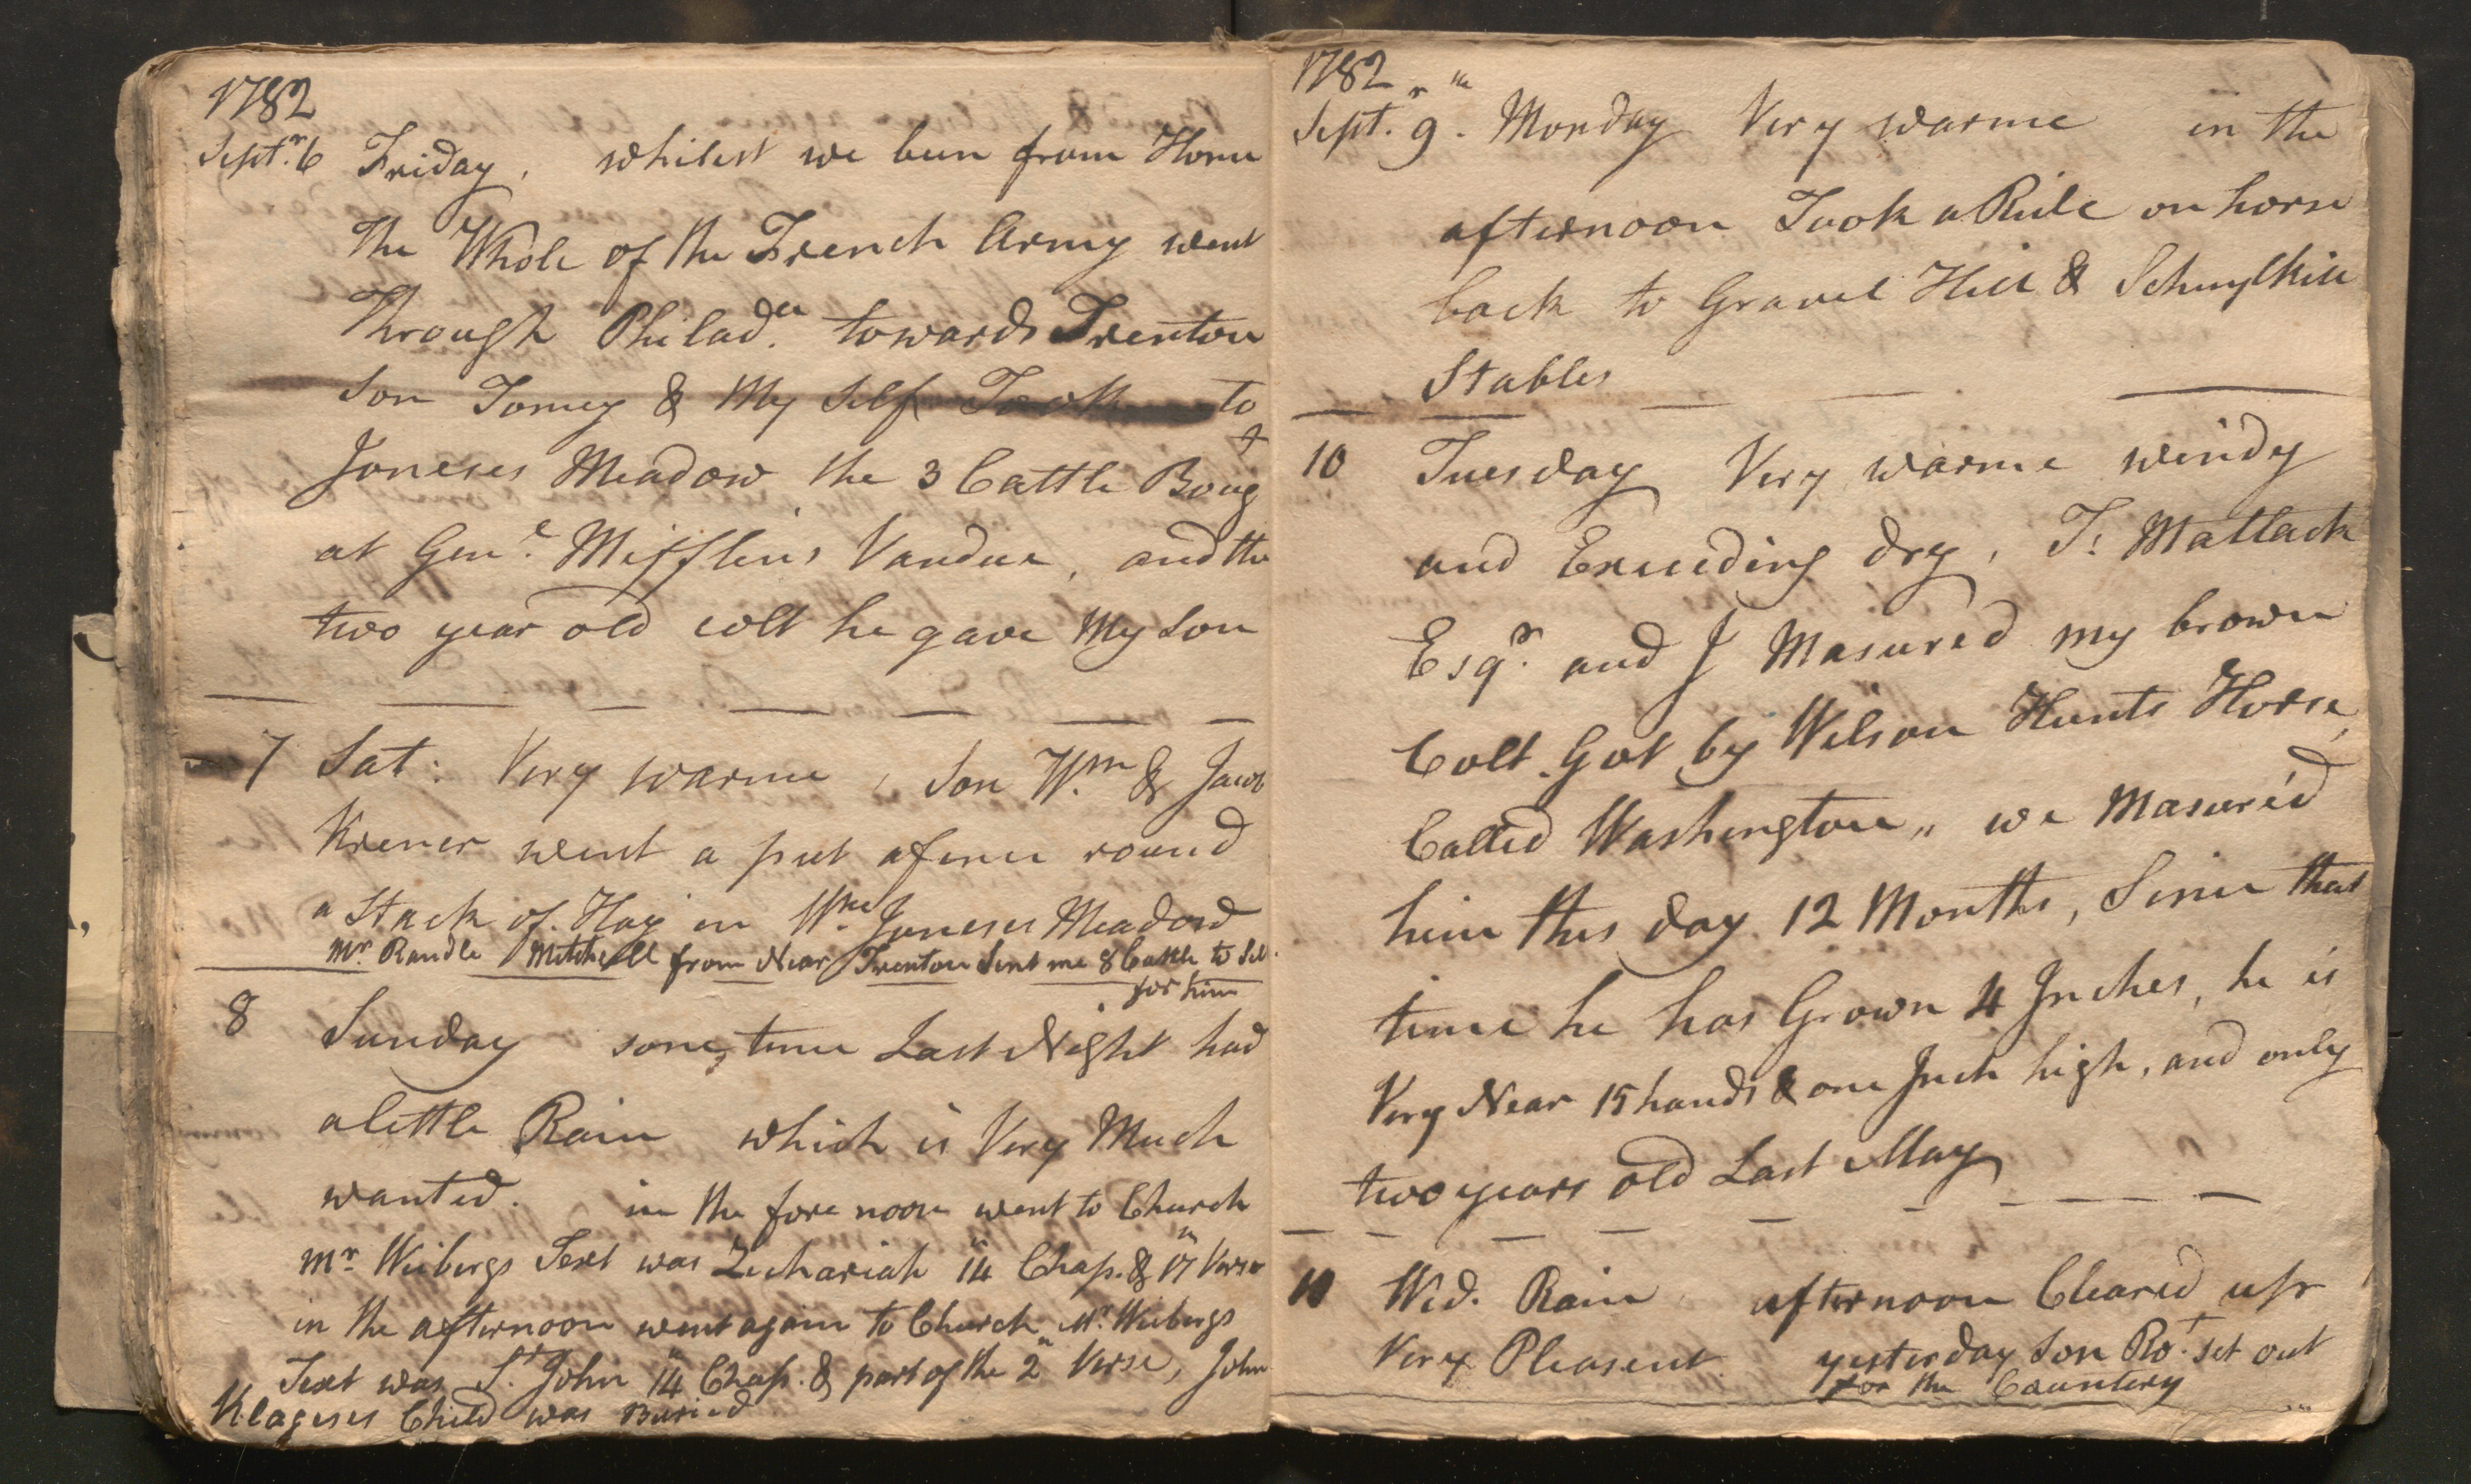1782
Sept^r. 6 Friday, whilest we been from Home
The Whole of the French Army went
Through Philad^a. towards Trenton
Son Tomey & My selfe Took to
Joneses Meadow the 3 Cattle Boug^t
at Gen^l. Mifftens Vandue, and the
two year old colt he gave My son
7 Sat. Very warme. Son W^m. & Jacob
Krener went a put a fence round
a Stack of Hay in W^m. Joneses Meadow
M^r. Randle Mitchell from Near Trenton sent me 8 Cattle to Sell
8 Sunday some time Last Night had
for him
a little Rain which is Very Much
wanted. in the fore noon went to Church
M^r. Weibergs Text was Zechariah 14 Chap. & 17^th Verse
in the afternoon went again to Church, M^r. Weibergs
Text was S^t. John 14 Chap. & part of the 2 Verse, John
Klageses Child was Buried
1782
Sept^r. 9^th. Monday Very warme in the
afternoon Took a Ride on horse
back to Gravel Hill & Schuylkill
Stables
10 Tuesday Very warme windy
and Exeeeding dry. T: Matlack
Esq^r. and I Masured my brown
Colt Got by Wilson Hunts Horse
Called Washington, we Masured
him this day 12 Months, since that
time he has Grown 4 Inches, he is
Very Near 15 hands & one Inch high, and only
two years old Last May
11 Wed. Rain, afternoon Cleared up
Very Pleasent yesterday son Ro^t. set out
For the Cauntery